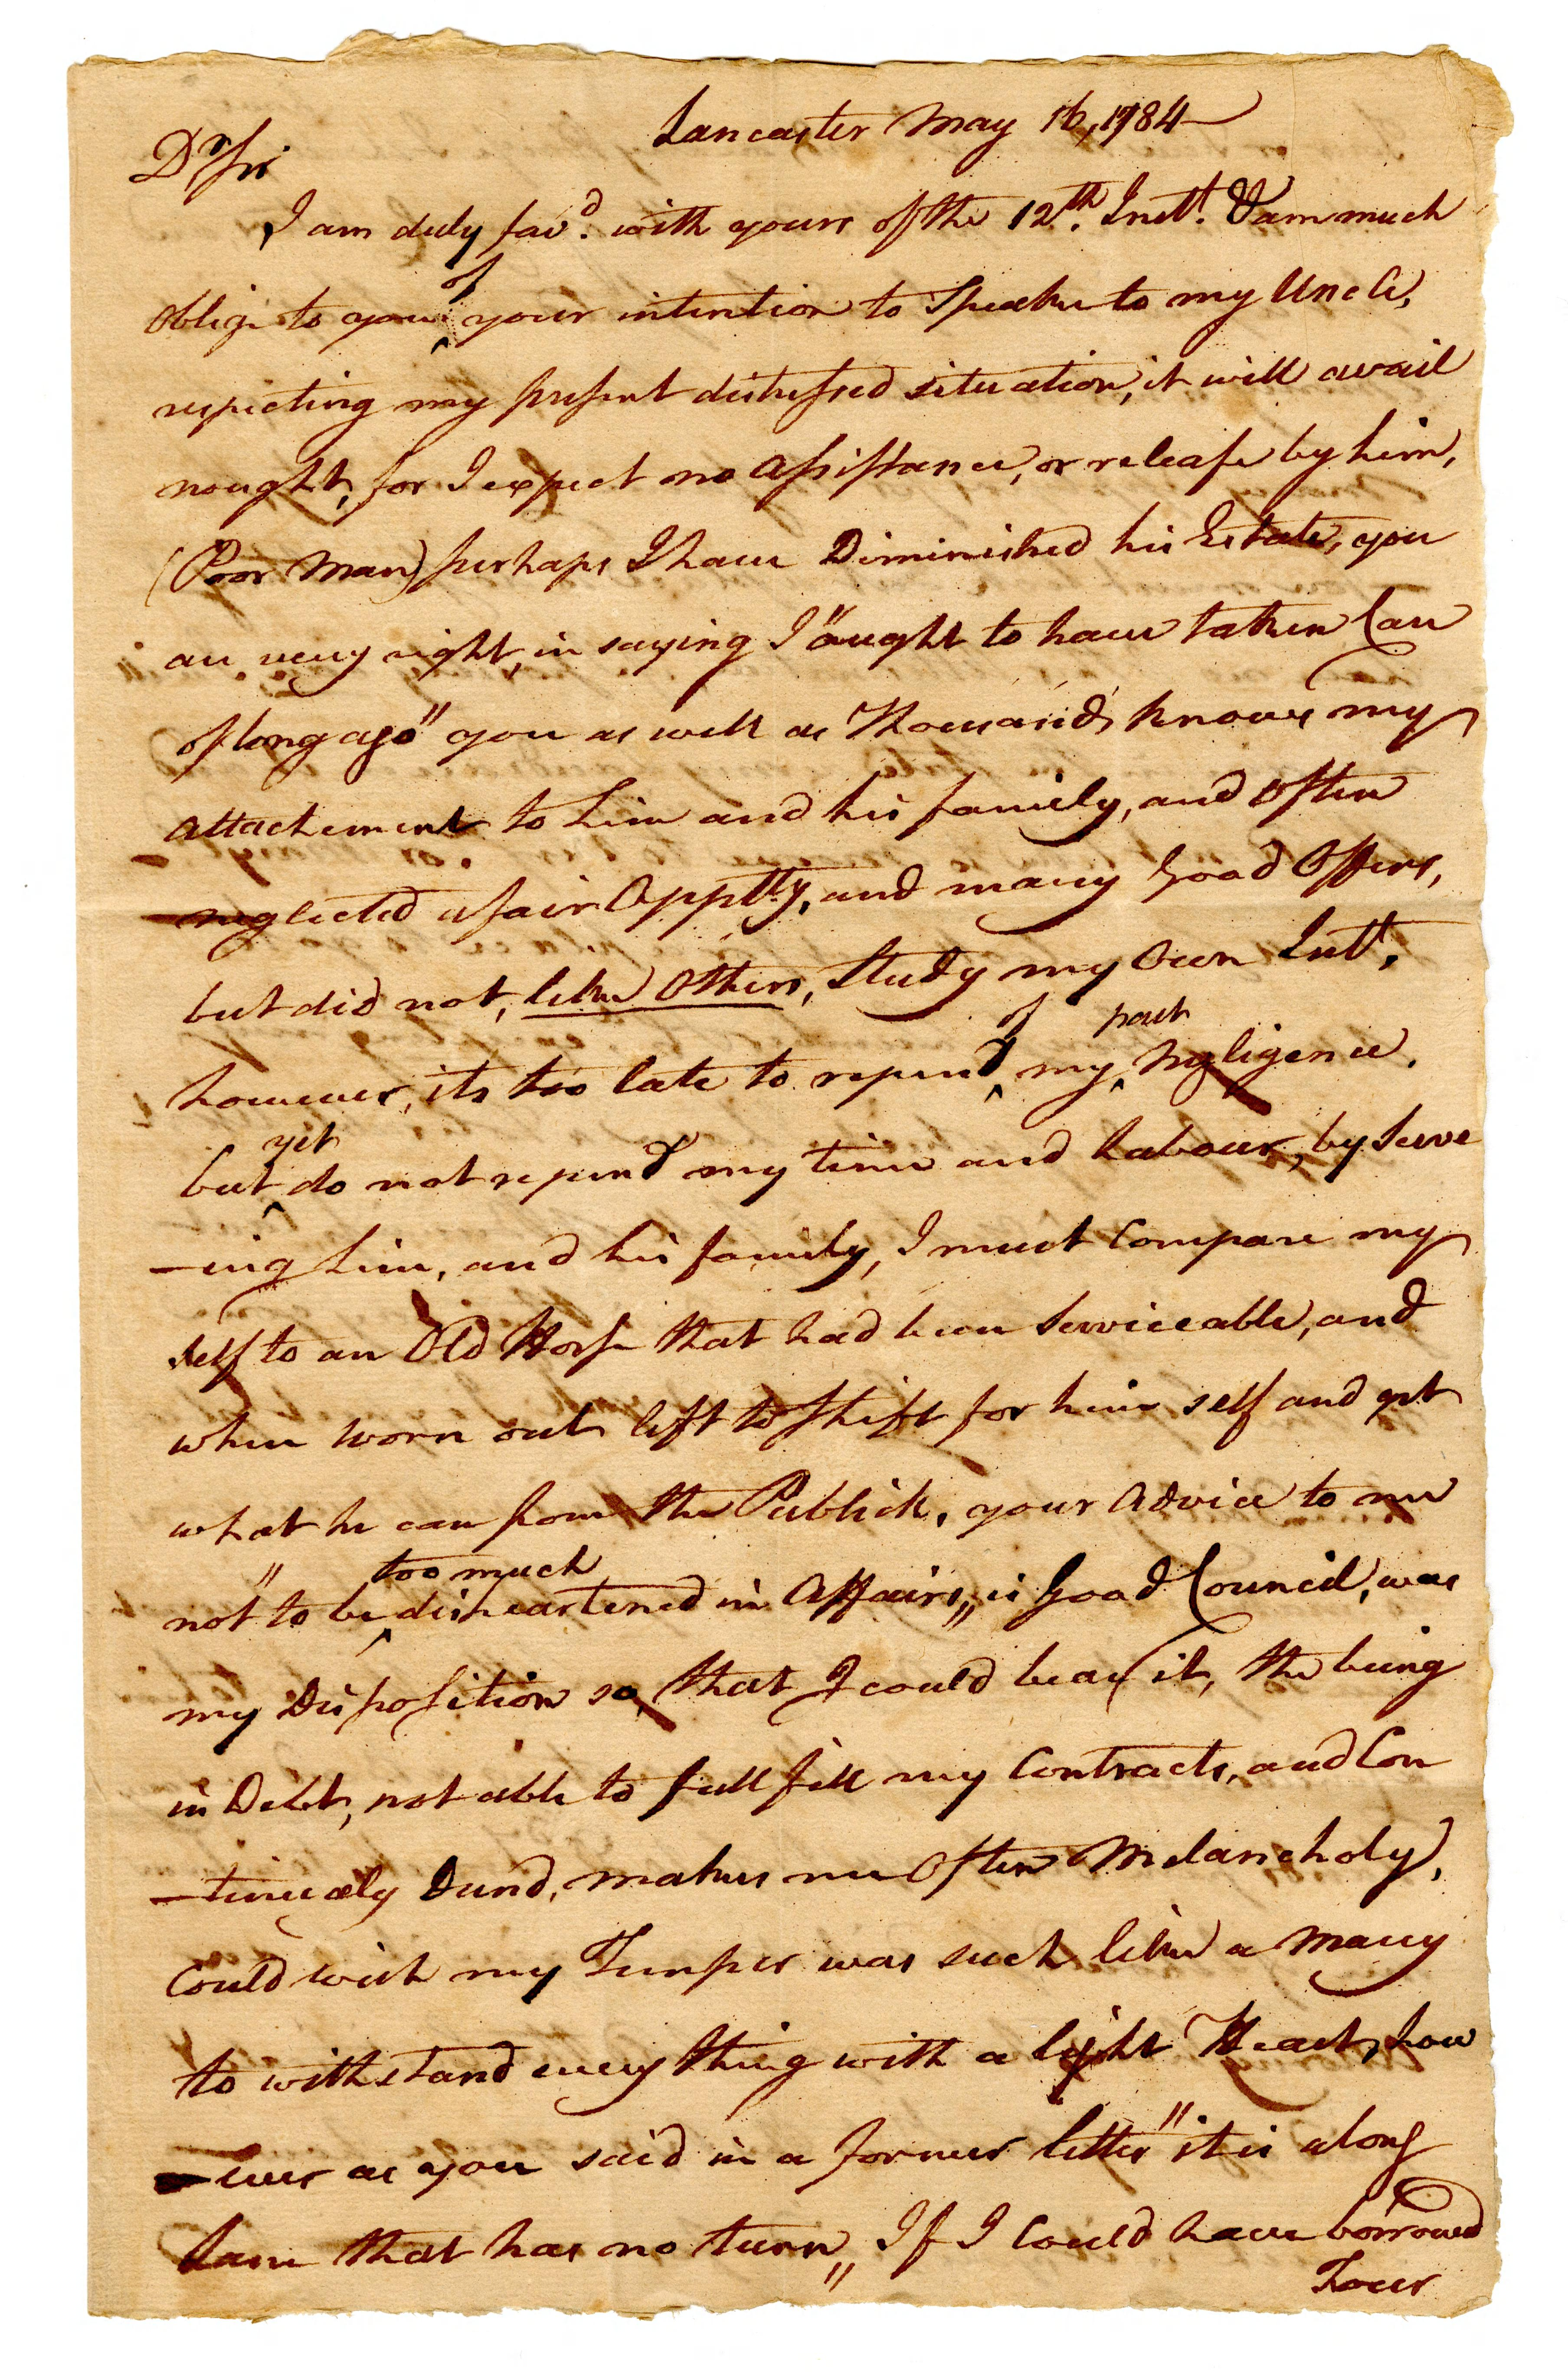Lancaster May 16, 1784
D^r Sir
I am duly fav^d. with yours of the 12^th. Inst^t. & am much
of
oblige to yours ^ your intention to speake to my Uncle,
respecting my present distressed situation, it will avail
nought for I expect no assistance, or release by him,
(Poor man) perhaps I have Diminished his Estate, you
are very right, in saying I "ought to have taken Care
of long ago" you as well as Thousands knows my
attachment to him and his family, and Often
neglected a fair Opp^ty, and many Good Offers,
but did not, like Others, Study my own Lot^t.
of
past
however, its too late to repend ^ my ^ negligence.
yet
but do not resent my time and Labour, by serve-
-ing him, and his family, I must Compare my
self to an Old Horse that had been serviceable, and
where worn out left to shift for him self and get
what he can from the Publick, your Advice to now
too much
not "to be ^ disheartened in Affairs" is good Council, was
my Disposition so, that I could be as if, the being
in Debt, not able to fullfill my Contracts, and con-
-tinually Dund makes more often Melancholy,
Could with my Temper was such liked a many
to withstand every thing with a light Heart how
-ever as you said in a former letter "it is along
time that has no turn" If I could have borrowd
Four